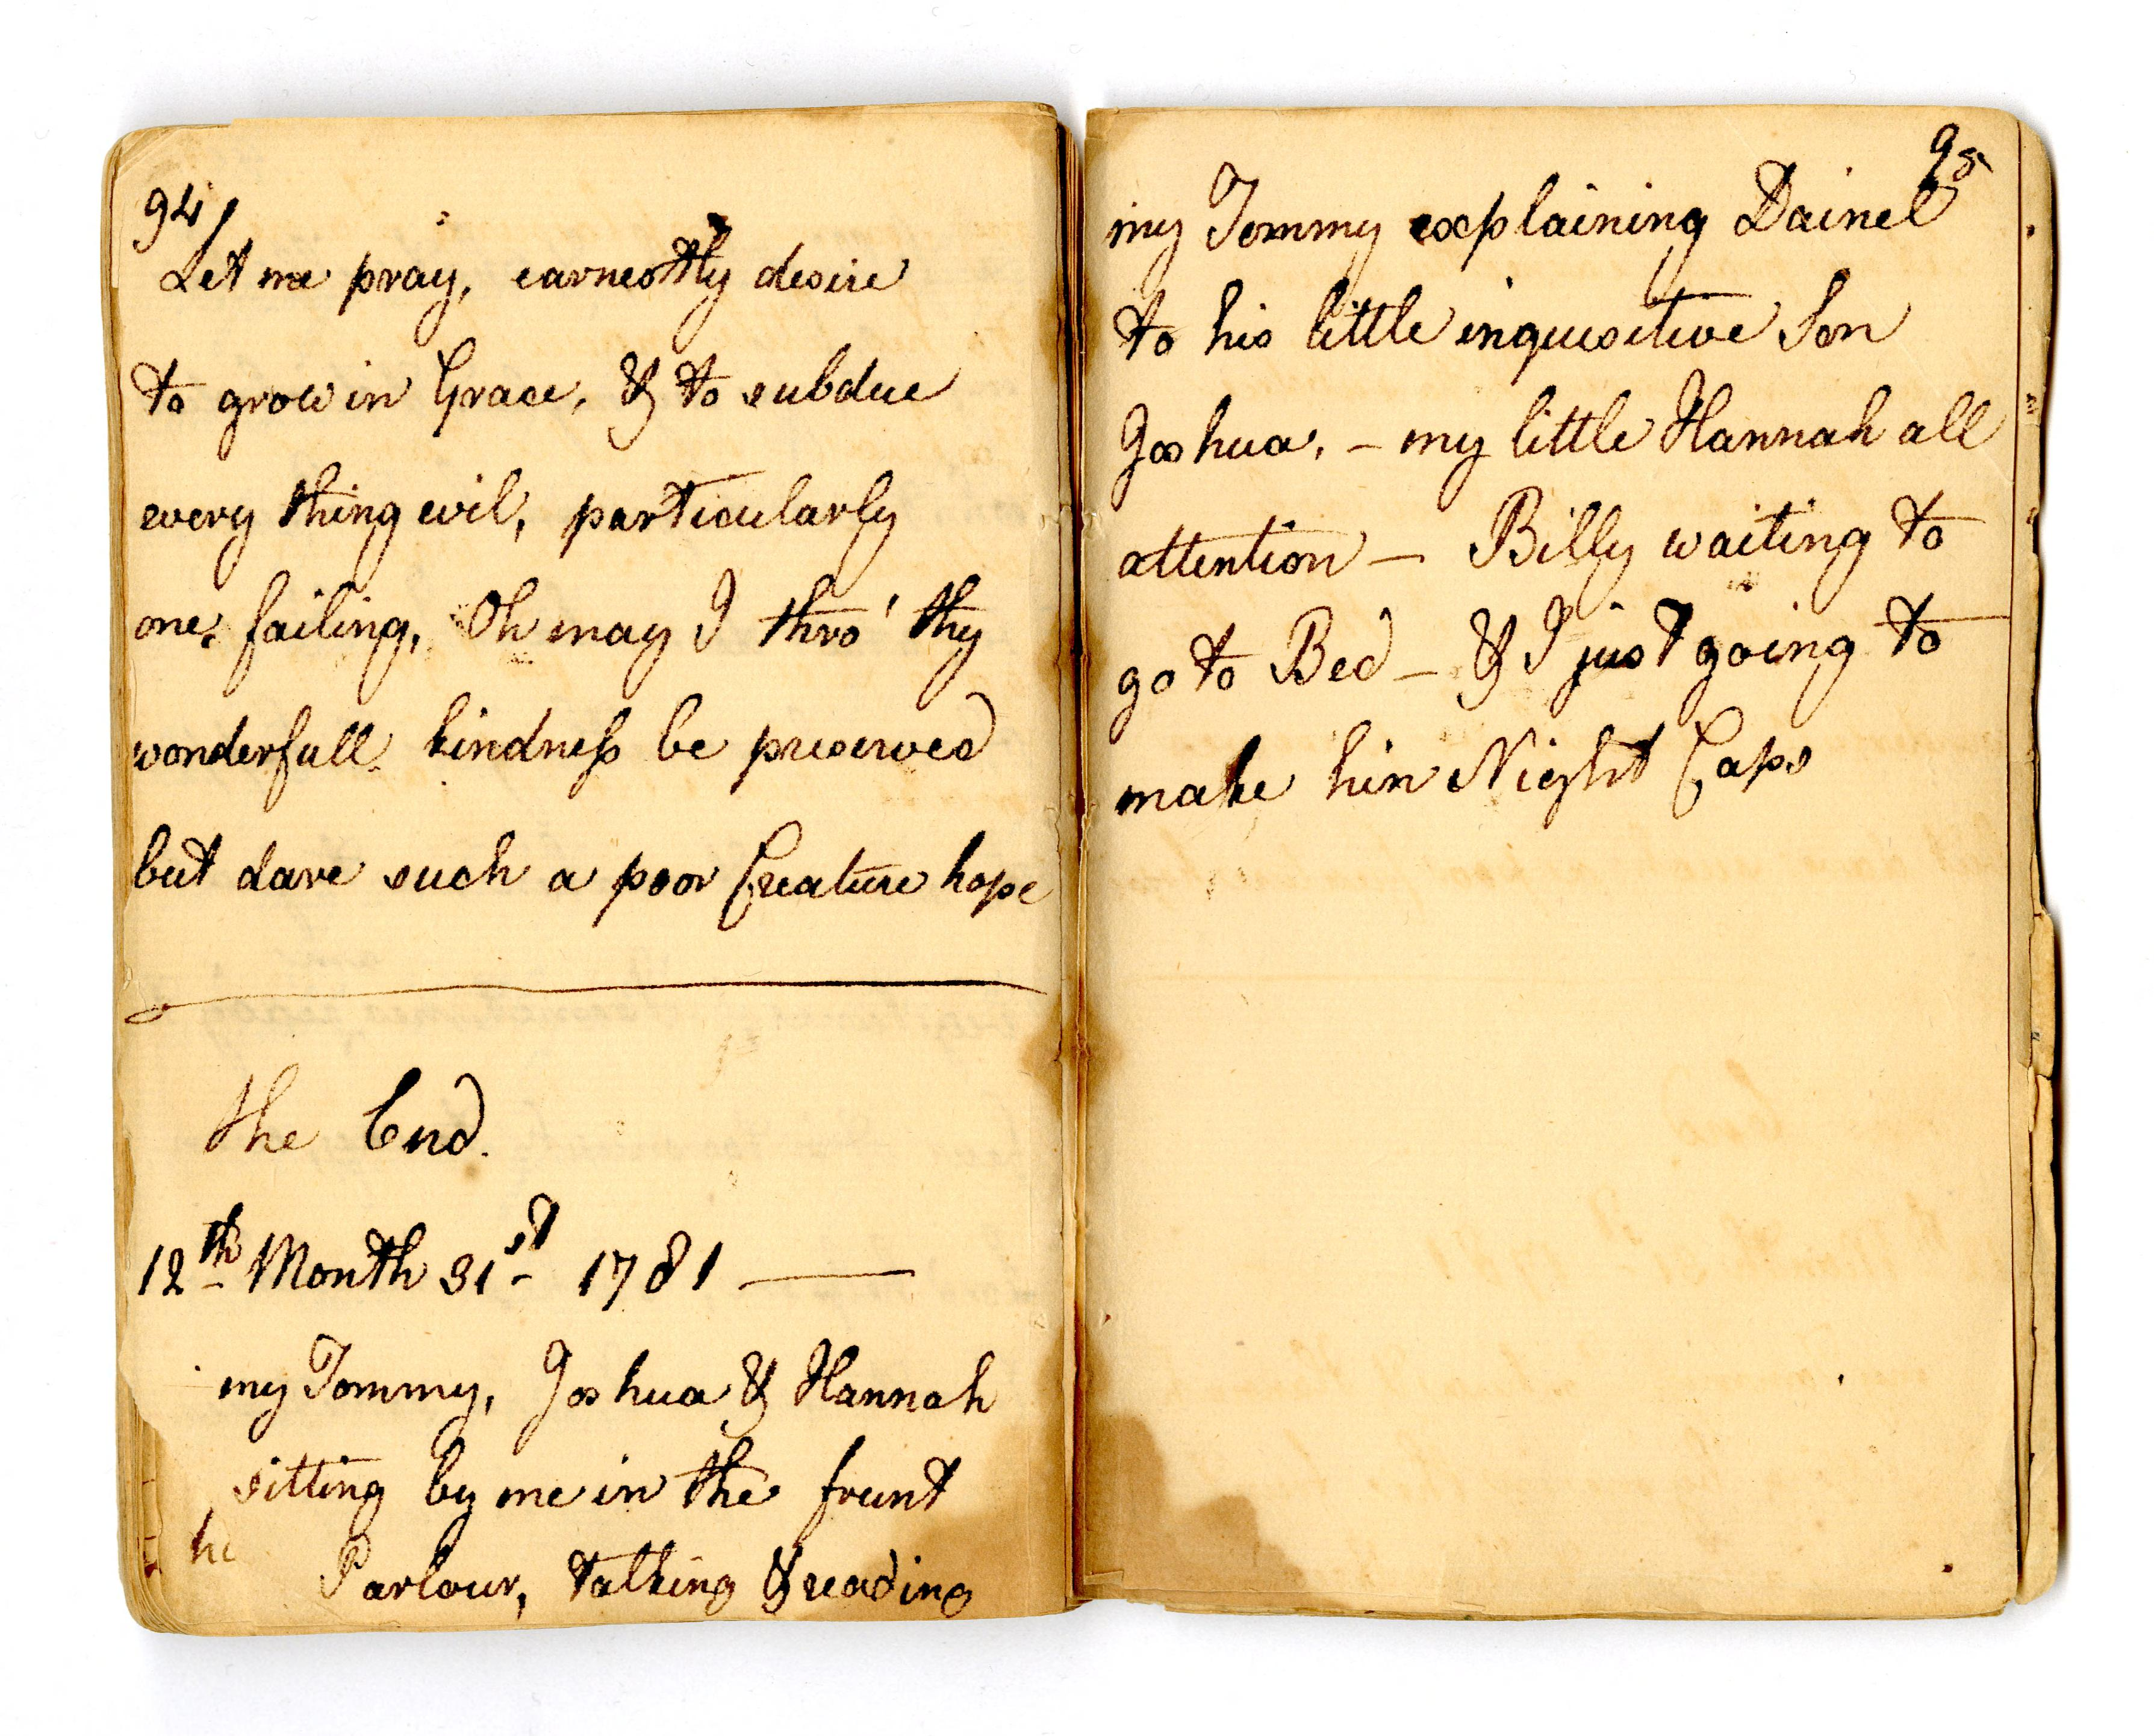Let me pray, earnestly desire
to grow in Grace, & to subdue
every thing evil, particularly
one failing, Oh may I thro' thy
wonderfull kindness be preserved
but dare such a poor Creature hope
the End.
12^th Months 31^st- 1781-
my Tommy, Joshua & Hannah
sitting by me in the frunt
he
Parlour, talking & reading
my Tommy explaining Dainel
to his little inquisitive Son
Joshua,- my little Hannah all
attention- Billy waiting to
go to Bed- & I just going to
make him Night Caps